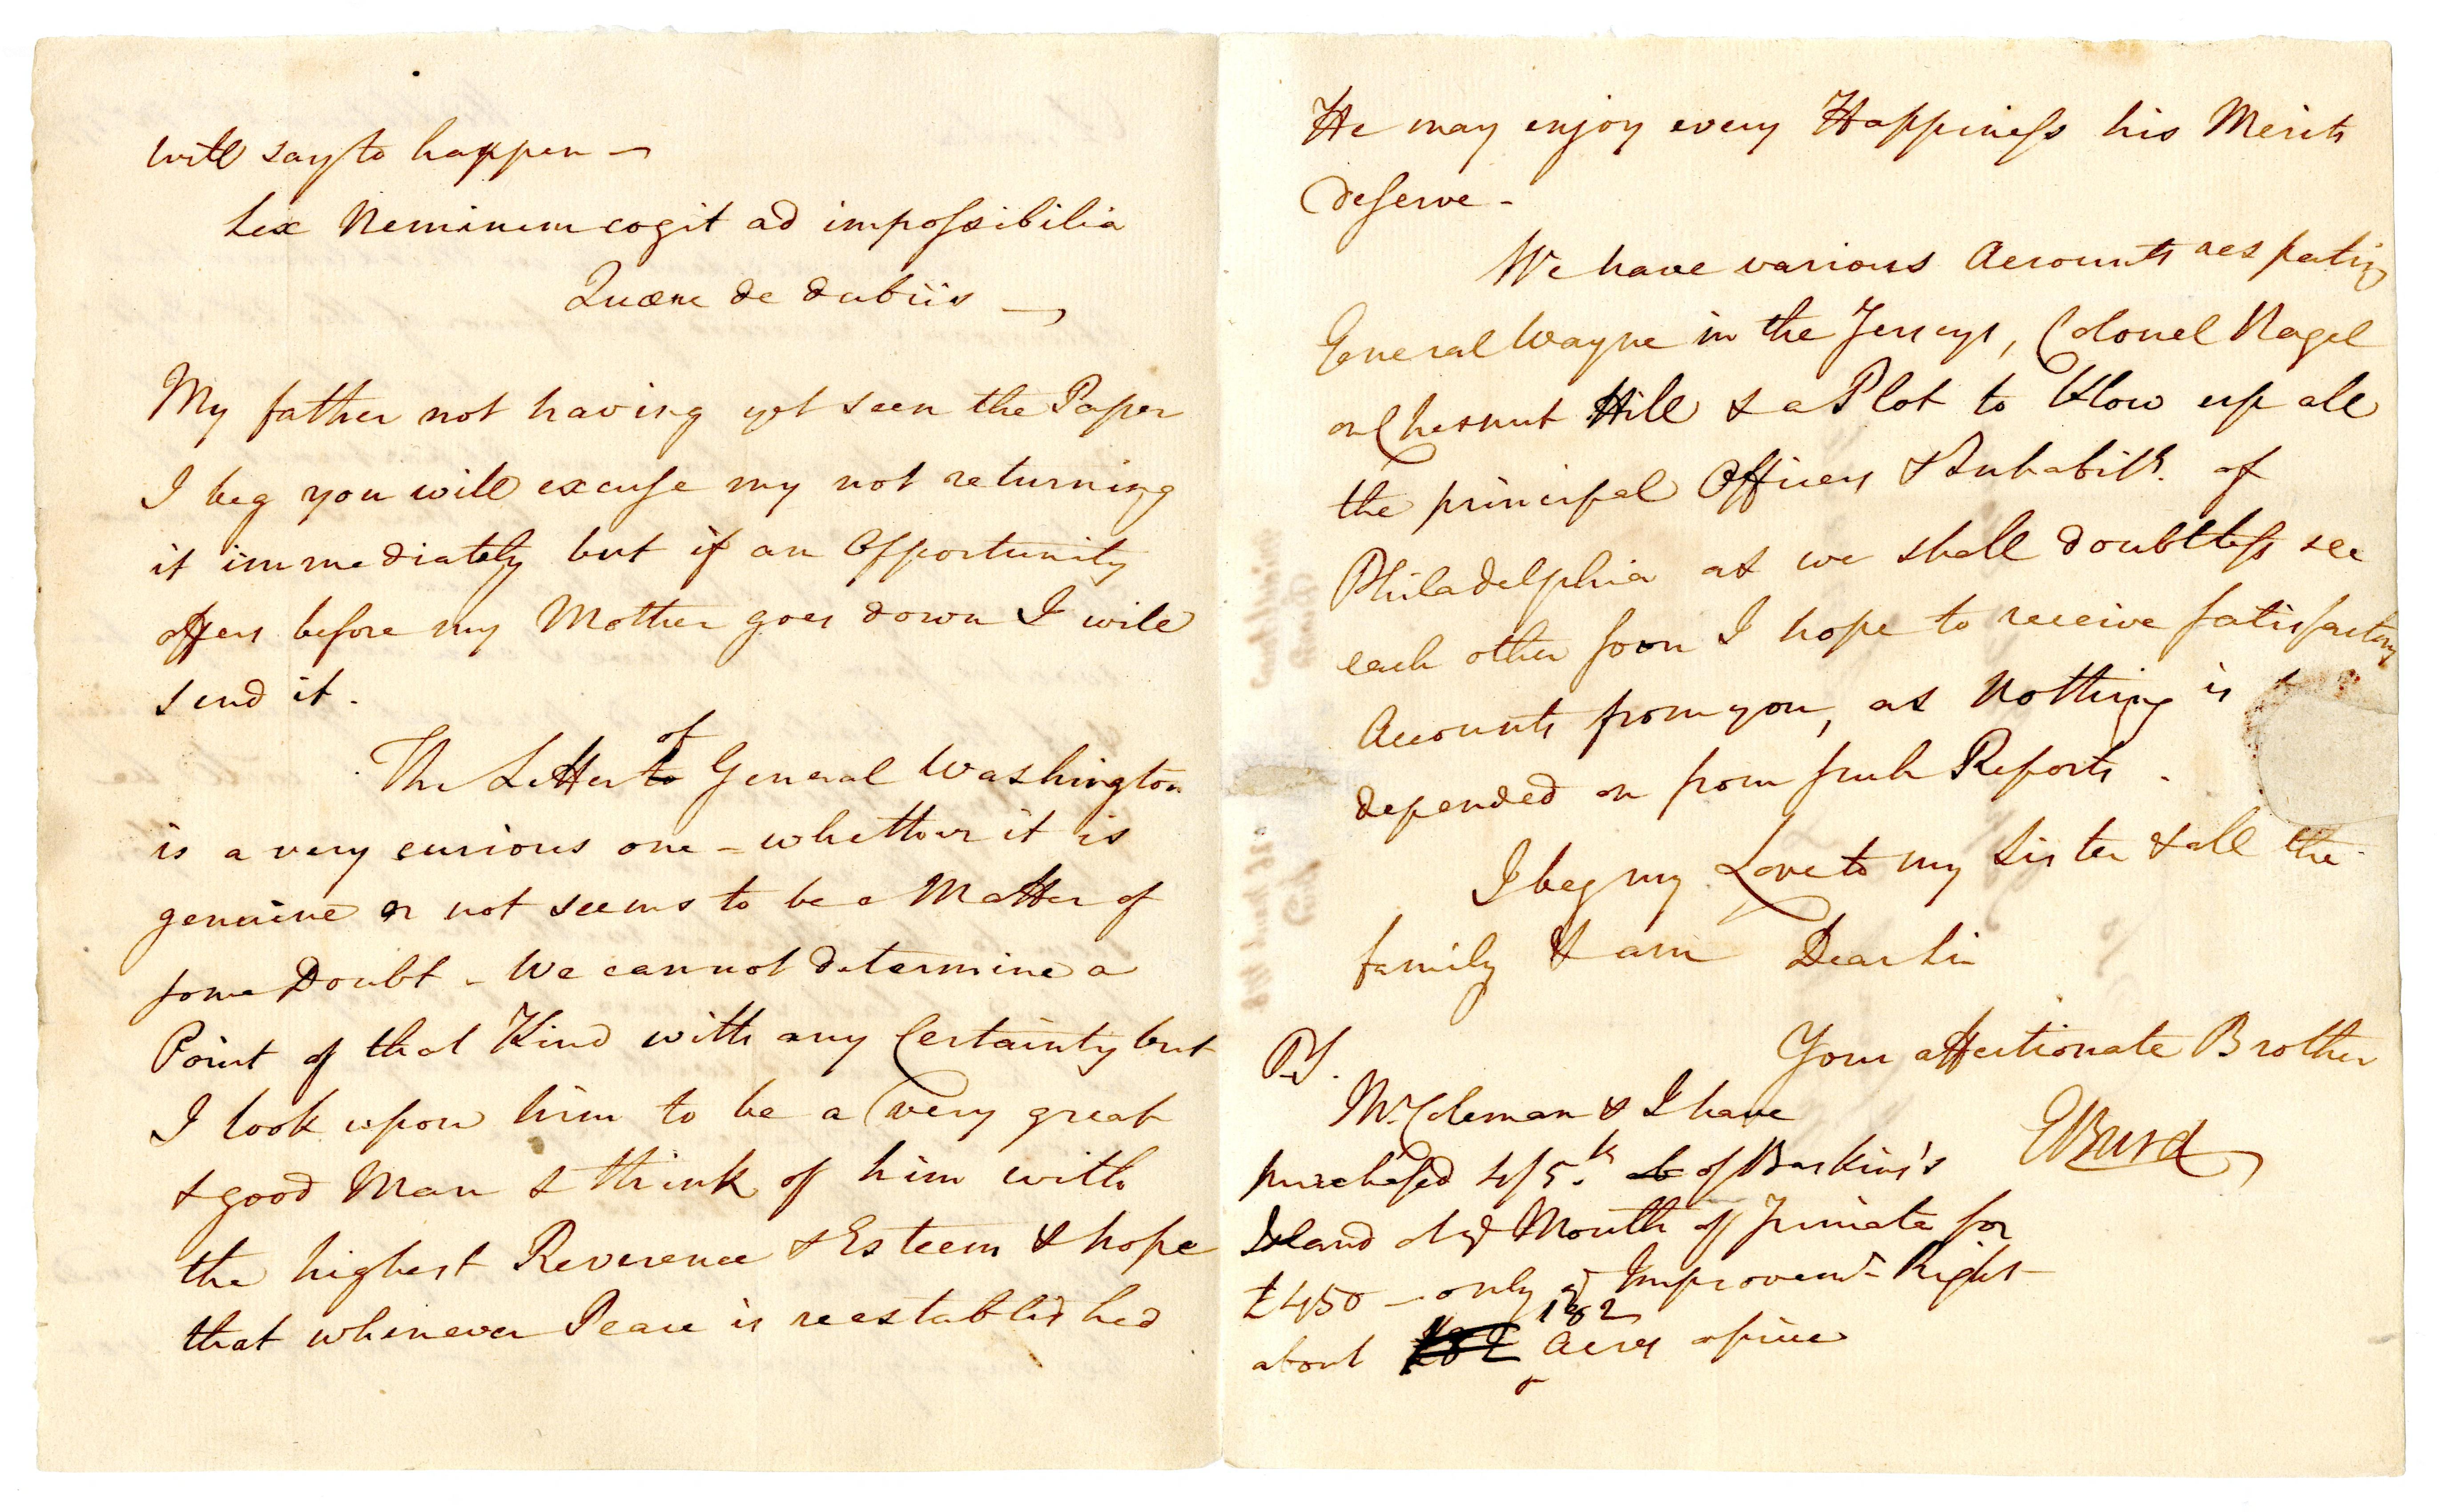will say to happen.
Lex Neminem cogit ad impossibilia
Quaere de dabiis
My father not having yet seen the Paper
I beg you will excuse my not returning
it immediately but if an Opportunity
offers before my Mother goes down I will
send it.
The Letter to General Washington
is a very curious one, whether it is
genuine or not seems to be a Matter of
some doubt. We cannot determine a
Point of that kind with any Certainty but
I look upon him to be a very great
& good man I think of him with
the highest Reverence & Esteem & hope
that whenever Peace is reestablished
He may enjoy every Happiness his Merits
deserve.
We have various Accounts respecting
General Wayne in the Jerseys, Colonel Nagel
or Chesnut Hill & a Plot to blow up all
the principal Officers & Inhabit^s. of
Philadelphia at we shall doubtless see
each other I hope to receive satisfactory
Accounts from you, as Nothing is
depended on from such Reports
I beg my Love to my Sister & all the
family & am Dear Sir
Your affectionate Brother
E. Burd
PS.
M^r. Coleman & I have
purchased 4/5^lb [ab] of Barkins's
Island of y^e Mouth of primate for
£450 - only y^e Improvement Rights
182
about [£82] acres aprice